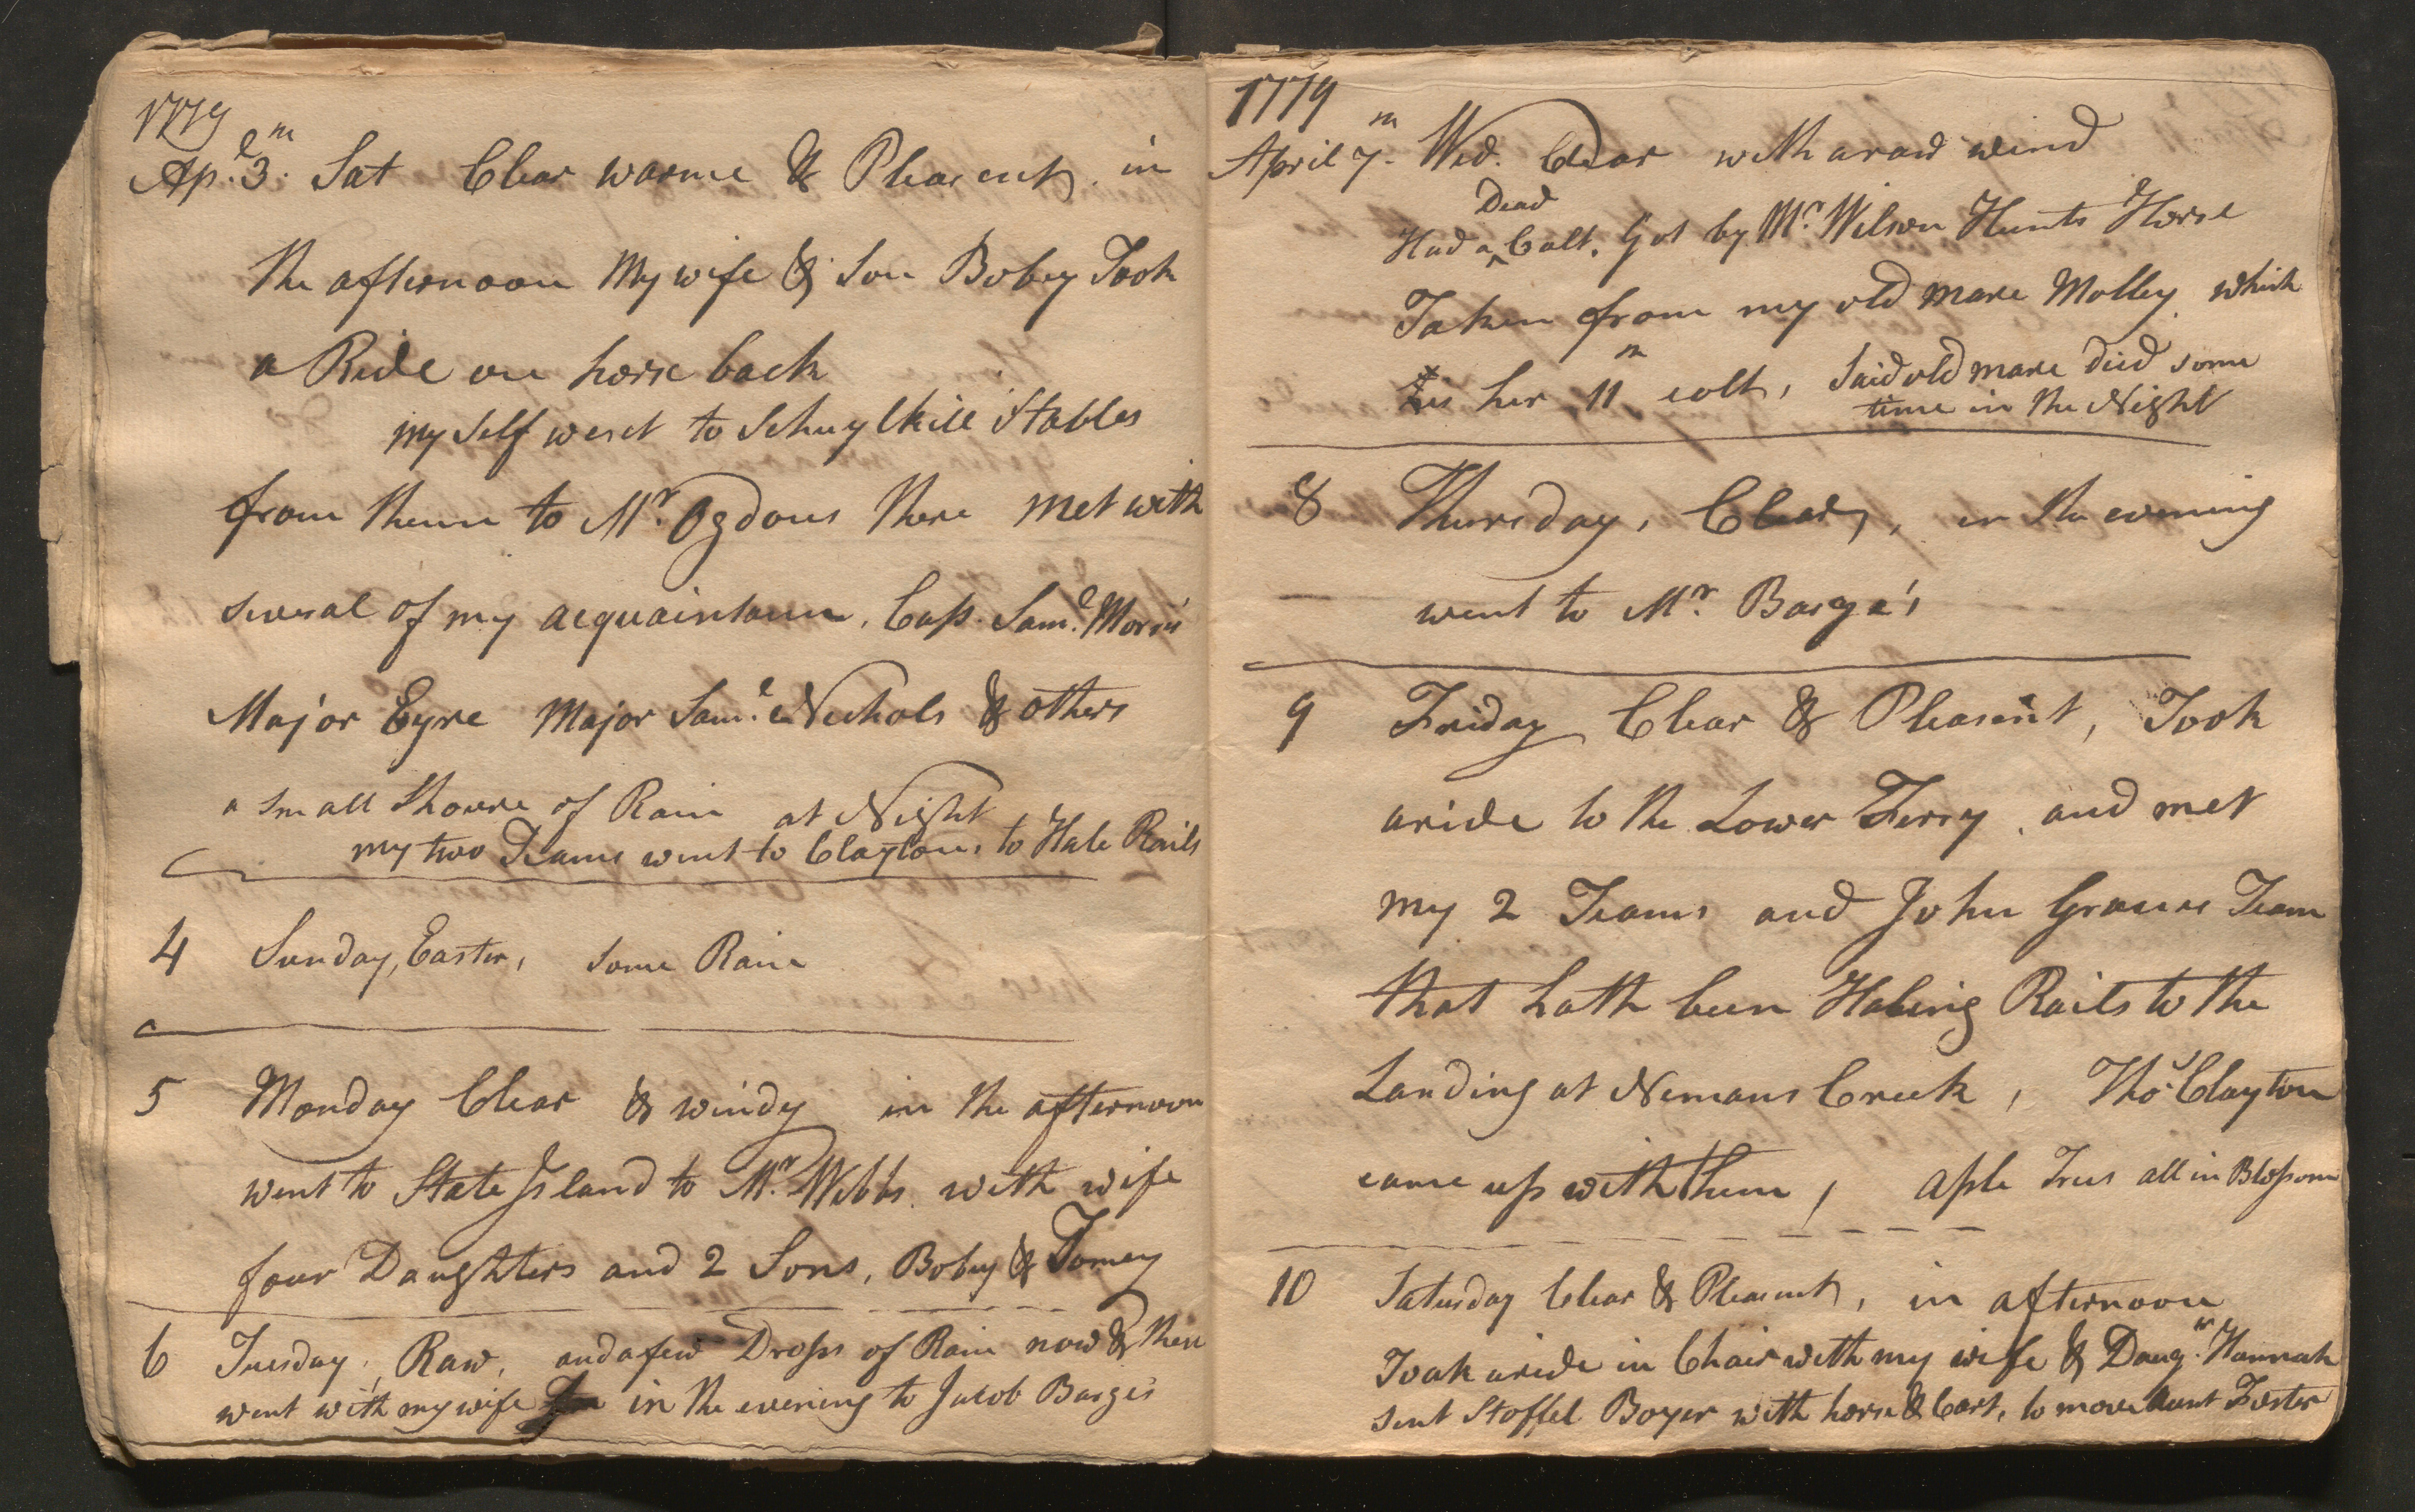1779
Ap^l. 3^th. Sat Clear warme & Pleasent in
the afternoon My wife & son Bobey Took
a Ride on horse back
my self went to Schuylkill Stables
frou thence to M^r. Ogdons there met with
several of my acquaintance, Cap. Sam^l. Morris
Major Eyre Major Sam^l. Nichols & others
a small Shoure of Rain at Night
my two Teams went to Claytons to Hale Rails
4 Sunday Easter, Some Rain
5 Monday Clear & windy in the afternoon
went to State Island to M^r. Webbs with wife
four Daughters and 2 Sons, Bobey & Tomey
6 Tuesday. Raw, and a few Dropes of Rain now & then
went with my wife [__] in the evening to Jacob Barges
1779
April 7^th. Wed. clear with a raw wind
Dead
Had a ^ Colt. Got by M^r. Wilwer Hunts Horse
Taken ffrom my old mare Molley which
[h\is her 11^th colt, said old mare died some
time in the Night
8 Thursday. Clear, in the evening
went to M^r. Barge's
9 Friday Clear & Pleasent, Took
a ride to the Lower Ferry and met
my 2 Teams and John Graves Team
that hath been Haling Rails to the
Landing at Nemans Creek, Tho^s. Clayton
came up with them, Aple Trees all in Blossom
10 Saturday Clear & Pleasent, in afternoon
Toak a ride in Chair with my wife & Daug^r. Hannah
sent Stoffel Boyer with horse & Cart, to move Aunt Foster